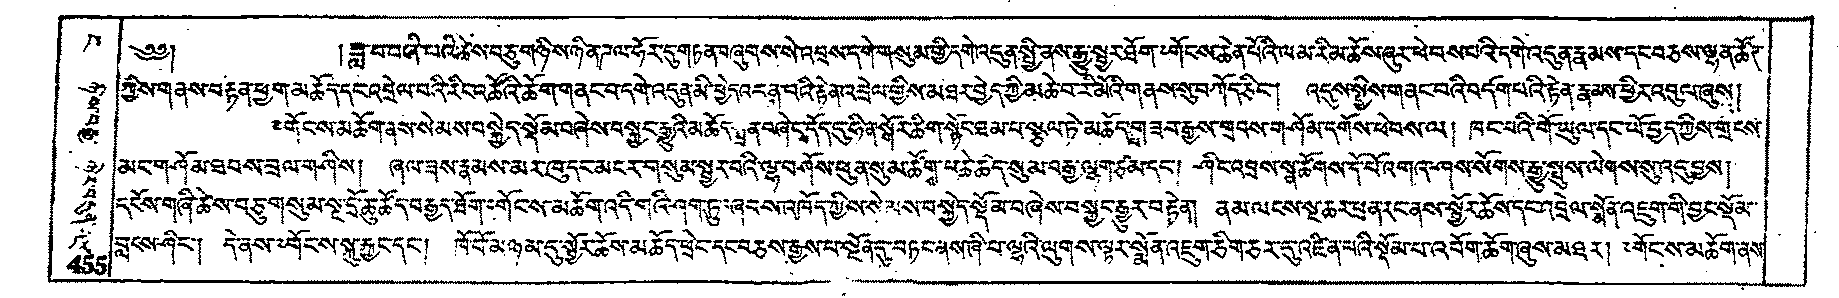༄༅། །ཟླ་བ་བཞི་པའི་ཚེས་བཅུ་གཉིས་ཉིན་ཌལ་ཧོར་དུ་གཏན་བཞུགས་སེ་འབྲས་དགེ་གསུམ་གྱི་དགེ་འདུན་སྤྱི་ནས་རྒྱུ་སྦྱར་ཐོག་༧གོང་ས་ཆེན་པོའི་ལམ་རིམ་ཆོས་ཞུར་ཕེབས་པའི་དགེ་འདུན་རྣམས་དང་བཅས་ལྷན་ཚོགས་
ཀྱིས་གནས་བརྟན་ཕྱག་མཆོད་དང་འབྲེལ་བའི་རིང་འཚོའི་ཆོ་ག་གནང་བ་དགེ་འདུན་མི་ཕྱེད་འདུན་པའི་རྟེན་འབྲེལ་གྱིས་མཐར་བྱེད་ཀྱི་མཆེ་བ་རི་མོའི་གནས་སུ་བཀོད་ཅིང་། འདུས་སྤྱིས་གནང་བའི་བདོག་པའི་རྟེན་རྣམས་ཕྱིར་འབུལ་ཞུས།
༧གོང་ས་མཆོག་ནས་སེམས་བསྐྱེད་སྡོམ་བཞེས་བསྐྱང་རྒྱུའི་མཆོད་སྤྲན་བཞེངས་དོད་དུ་ཧིན་སྒོར་ཆིག་སྟོང་ཐམ་པ་སྩལ་ཏེ་མཆོད་པ་གཟབ་རྒྱས་གྲབས་གཤོམ་དགོས་ཕེབས་ལ། ཁང་པའི་གོ་ཡུལ་དང་ཡོ་བྱད་ཀྱིས་གྲངས་
མང་གཤོམ་ཐབས་བྲལ་གཤིས། ཞལ་ཟས་རྣམས་མར་ཁུ་དང་མངར་གསུམ་སྦྱར་བའི་ལྷ་བཤོས་ཕུན་སུམ་ཚོགས་པ་ཆེ་ཚད་སུམ་བརྒྱ་ལྷག་ཙམ་དང་། ཤིང་འབྲས་སྣ་ཚོགས་དོ་པོ་འགའ་ཤས་སོགས་རྒྱུ་སྤུས་ལེགས་སུ་འདུ་བྱས།
དངོས་གཞི་ཚེས་བཅུ་གསུམ་སྔ་དྲོ་ཆུ་ཚོད་བརྒྱད་ཐོག་༧གོང་ས་མཆོག་འདི་གའི་ཤག་ཏུ་༧ཞབས་འཁོད་ཀྱིས་སེམས་བསྐྱེད་སྡོམ་བཞེས་བསྐྱང་རྒྱུར་བརྟེན། ནམ་ལངས་སྔ་ཆར་ཕྲན་རང་ནས་སྦྱོར་ཆོས་དང་འབྲེལ་སྨོན་འཇུག་གི་བྱང་སྡོམ་
བླངས་ཤིང་། དེ་ནས་༧གོང་ས་སྐུ་རྐྱང་དང་། ཁོ་བོ་མཉམ་དུ་སྦྱོར་ཆོས་མཆོད་ཕྲེང་དང་བཅས་རྒྱས་པ་སྔོན་དུ་བཏང་ནས་ཞི་བ་ལྷའི་ལུགས་ལྟར་སྨོན་འཇུག་ཅིག་ཅར་དུ་འཛིན་པའི་སྡོམ་པ་འབོག་ཆོག་ཞུས་མཐར། ༧གོང་ས་མཆོག་ནས་